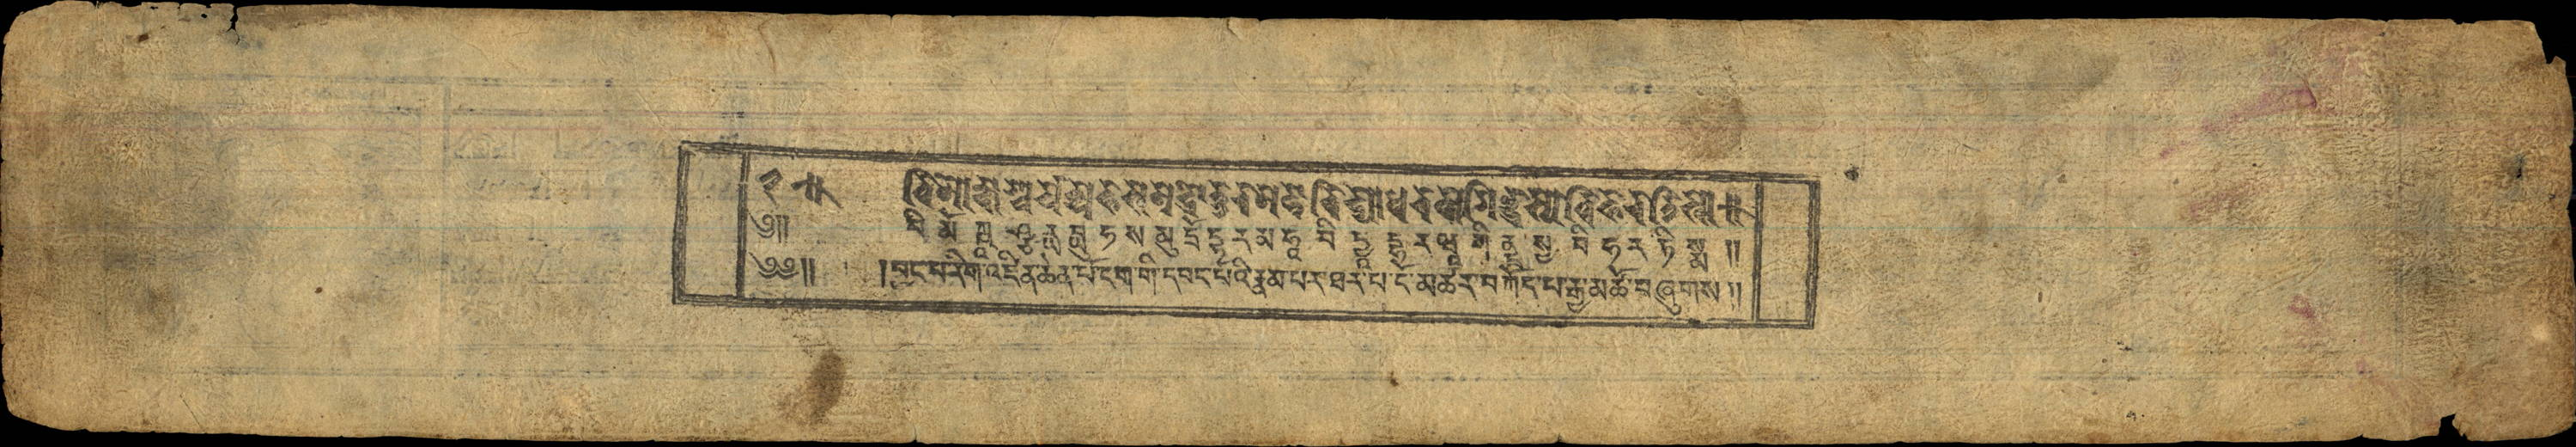༄༅། ཁི་མོ་ཀྵྤ་ཤྩ་རྱ་བྷཱ་ཧ་ས་མུ་དྲོ་ཏྟ་ར་མ་ཧཱ་བེ་ཏྱཱ་?་དྷ་ར་ཝཱ་གི་ནྡྲ་གྱ་བི་ཧ་ར་ཏི་སྨ་
༄༅། །བྱང་བ་རིག་འཛིན་ཆེན་པོ་ངག་གི་དབང་པོའི་རྣམ་པར་ཐར་བ་ངོ་མཚར་བཀོད་བ་རྒྱ་མཚོ་བཞུགས།